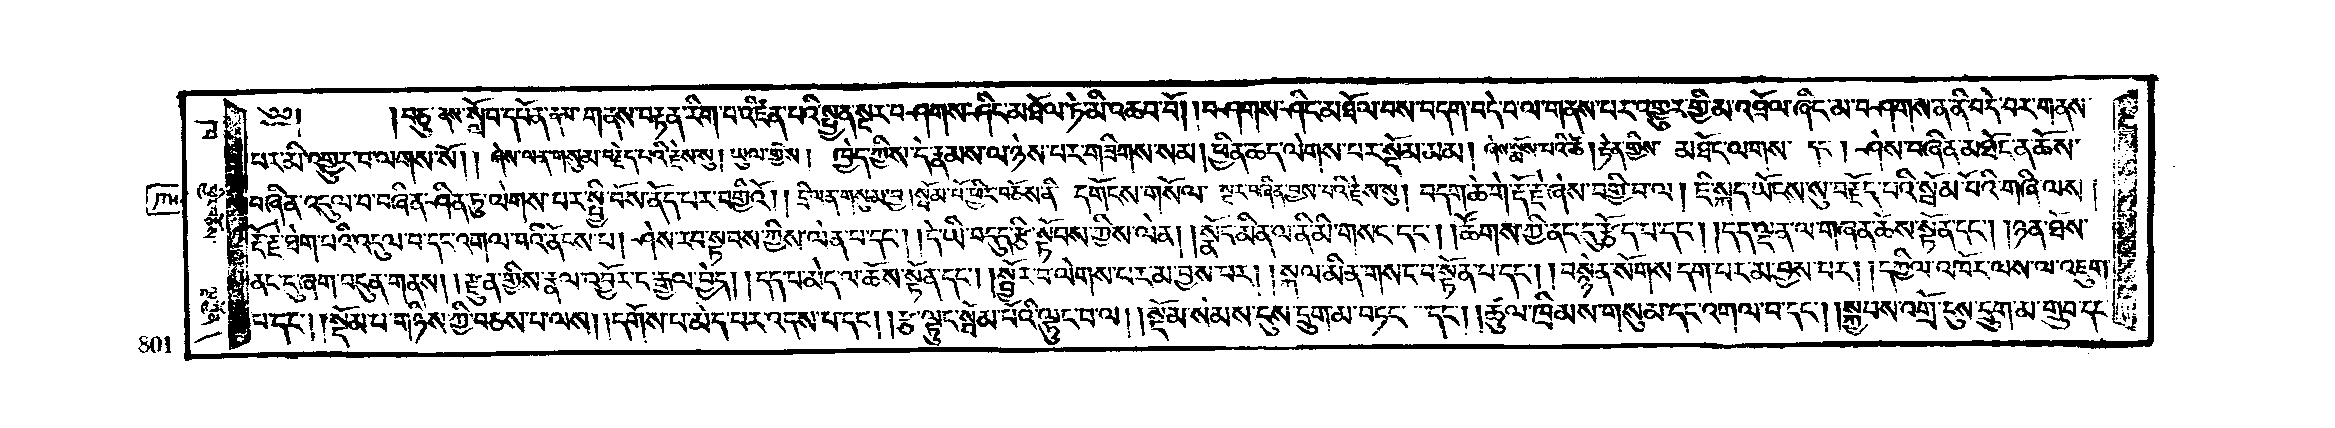༄༅། །བཅུ་ནས་སློབ་དཔོན་ནམ་གནས་བརྟན་རིག་པ་འཛིན་པའི་སྤྱན་སྔར་བཤགས་ཤིང་མཐོལ་ཏེ་མི་འཆབ་བོ། །བཤགས་ཤིང་མཐོལ་བས་བདག་བདེ་བ་ལ་གནས་པར་འགྱུར་གྱི་མ་འཐོལ་ཞིང་མ་བཤགས་ན་ནི་བདེ་བར་གནས་
པར་མི་འགྱུར་བ་ལགས་སོ། ། ཞེས་ལན་གསུམ་བརྗོད་པའི་རྗེས་སུ། ཡུལ་གྱིས།  ཁྱོད་ཀྱིས་དེ་རྣམས་ལ་ཉེས་པར་གཟིགས་སམ། ཕྱིན་ཆད་ལེགས་པར་སྡོམ་མམ། ཞེས་སྨོས་པའི་ཚེ། རྟེན་གྱིས་མཐོང་ལགས་དང་། ཤེས་བཞིན་མཐོང་ན་ཆོས་
བཞིན་འདུལ་བ་བཞིན་ཤིན་ཏུ་ལེགས་པར་སྤྱི་བོས་ནོད་པར་བགྱིའོ། ། དྲི་ལན་གསུམ་བྱ། སྦོམ་པོ་ཕྱིར་བཅོས་ནི་དགོངས་གསོལ་སྔར་བཞིན་བྱས་པའི་རྗེས་སུ།  བདག་ཆེ་གེ་རྡོ་རྗེ་ཞེས་བགྱི་བ་ལ། ཇི་སྐད་ཡོངས་སུ་བརྗོད་པའི་སྦོམ་པོའི་གཞི་ལས།
རྡོ་རྗེ་ཐེག་པའི་འདུལ་བ་དང་འགལ་བའི་ནོངས་པ། ཤེས་རབ་སྟོབས་ཀྱིས་ལེན་པ་དང་། །དེ་ཡི་བདུད་རྩི་སྟོབས་ཀྱིས་ལེན། །སྣོད་མིན་ལ་ནི་མི་གསང་དང་། །ཚེགས་ཀྱི་ནང་དུ་རྩོད་པ་དང་། །དད་ལྡན་ལ་གཞན་ཆོས་སྟོན་དང་། །ཉན་ཐོས་
ནང་དུ་ཞག་བདུན་གནས། །རྫུན་གྱིས་རྣལ་འབྱོར་ང་རྒྱལ་བྱེད། །དད་པ་མེད་ལ་ཆོས་སྟོན་དང་། །སྦྱོར་བ་ལེགས་པར་མ་བྱས་པར། །སྐལ་མིན་གསང་བ་སྟོན་པ་དང་། །བསྙེན་སོགས་དག་པར་མ་བྱས་པར། །དཀྱིལ་འཁོར་ལས་ལ་འཇུག་
པ་དང་། །སྡོམ་པ་གཉིས་ཀྱི་བཅས་པ་ལས། །དགོས་པ་མེད་པར་འདས་པ་དང་། །རྩ་ལྟུང་སྦོམ་པོའི་ལྟུང་བ་ལ། །སྡོམ་སེམས་དུས་དྲུག་མ་བཏང་དང་། །ཚུལ་ཁྲིམས་གསུམ་དང་འགལ་བ་དང་། །སྐྱབས་འགྲོ་དུས་དྲུག་མ་གྲུབ་དང་། །